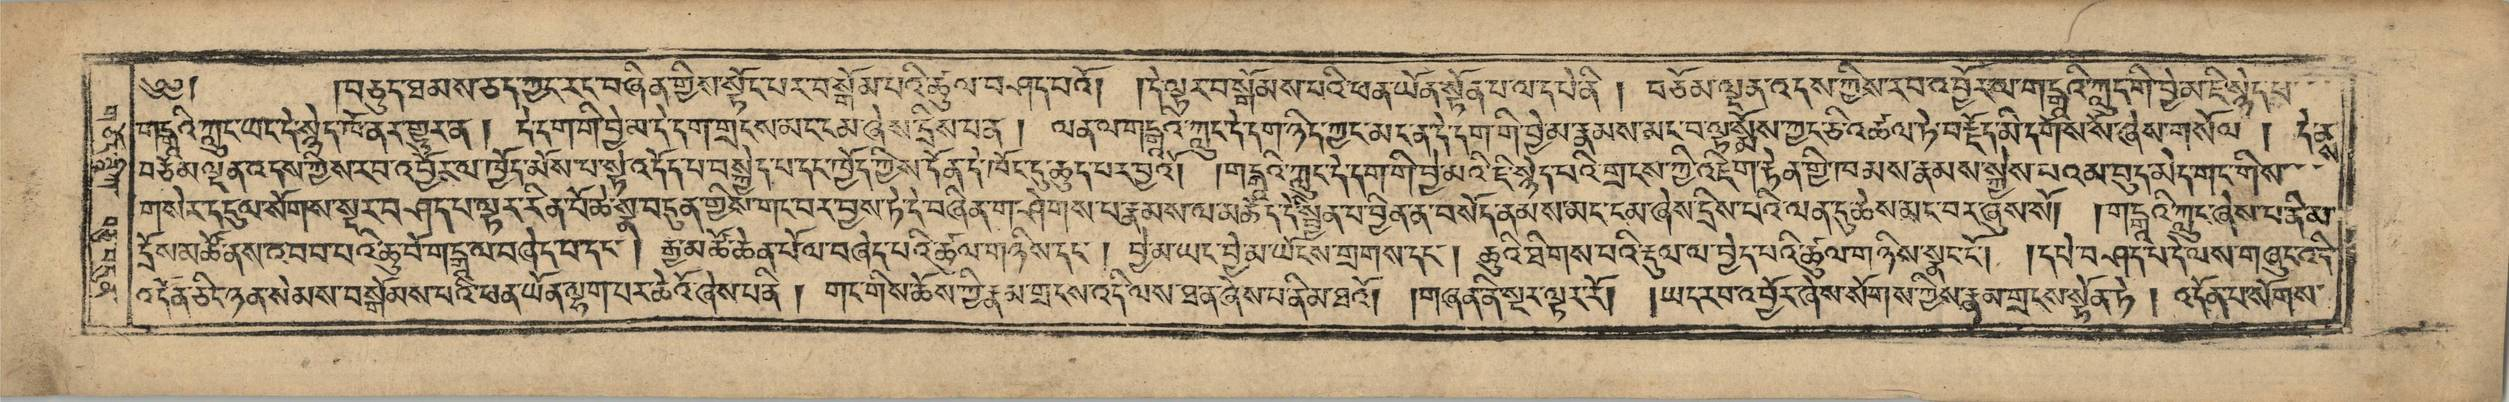༄༅། །བཅུད་ཐམས་ཅད་ཀྱང་རང་བཞིན་གྱིས་སྟོང་པར་བསྒོམ་པའི་ཚུལ་བཤད་པའོ། །དེ་ལྟར་བསྒོམས་པའི་ཕན་ཡོན་སྟོན་པ་ལ་དཔེ་ནི། བཅོམ་ལྡན་འདས་ཀྱིས་རབ་འབྱོར་ལ་གངྒཱའི་ཀླུང་གི་བྱེ་མ་ཇི་སྙེད་པ་
གངྒཱའི་ཀླུང་ཡང་དེ་སྙེད་ཁོ་ནར་གྱུར་ན། དེ་དག་གི་བྱེ་མ་དེ་དག་གྲངས་མང་ངམ་ཞེས་དྲིས་པ་ན། ལན་ལ་གངྒཱའི་ཀླུང་དེ་དག་ཉིད་ཀྱང་མང་ན་དེ་དག་གི་བྱེ་མ་རྣམས་མང་བ་ལྟ་སྨོས་ཀྱང་ཅི་འཚལ་ཏེ་བརྗོད་མི་དགོས་སོ་ཞེས་གསོལ། དེ་ནས་
བཅོམ་ལྡན་འདས་ཀྱིས་རབ་འབྱོར་ལ་ཁྱོད་མོས་པ་སྟེ་འདོད་པ་བསྐྱེད་པ་དང་ཁྱོད་ཀྱིས་དོན་དེ་ཁོང་དུ་ཆུད་པར་བྱའོ། །གངྒཱའི་ཀླུང་དེ་དག་གི་བྱེ་མའི་ཇི་སྙེད་པའི་གྲངས་ཀྱི་འཇིག་རྟེན་གྱི་ཁམས་རྣམས་སྐྱེས་པའམ་བུད་མེད་གང་གིས་
གསེར་དངུལ་སོགས་སྔར་བཤད་པ་ལྟར་རིན་པོ་ཆེ་སྣ་བདུན་གྱིས་གང་བར་བྱས་ཏེ་དེ་བཞིན་གཤེགས་པ་རྣམས་ལ་མཆོད་དེ་སྦྱིན་པ་བྱིན་ན་བསོད་ནམས་མང་ངམ་ཞེས་དྲིས་པའི་ལན་དུ་ཆེས་མང་བར་ཞུས་སོ། །གངྒཱའི་ཀླུང་ཞེས་པ་ནི་མ་
དྲོས་མཚོ་ནས་འབབ་པའི་ཆུ་བོ་གངྒཱ་ལ་བཞེད་པ་དང་། རྒྱ་མཚོ་ཆེན་པོ་ལ་བཞེད་པའི་ཚུལ་གཉིས་དང་། བྱེ་མ་ཡང་བྱེ་མ་ཡོངས་གྲགས་དང་། ཆུའི་ཐིགས་པའི་རྡུལ་ལ་བྱེད་པའི་ཚུལ་གཉིས་སྣང་ངོ། །དཔེ་བཤད་པ་དེ་ལས་གཞུང་འདི་
འདོན་ཅིང་ཉན་སེམས་སྒོམས་པའི་ཕན་ཡོན་ལྷག་པར་ཆེའོ་ཞེས་པ་ནི། གང་གིས་ཆོས་ཀྱི་རྣམ་གྲངས་འདི་ལས་ཐ་ན་ཞེས་པ་ནི་མ་ཐའོ། །གཞན་ནི་སྔར་ལྟར་རོ། །ཡང་རབ་འབྱོར་ཞེས་སོགས་ཀྱིས་རྣམ་གྲངས་སྟོན་ཏེ། འདོན་པ་སོགས་